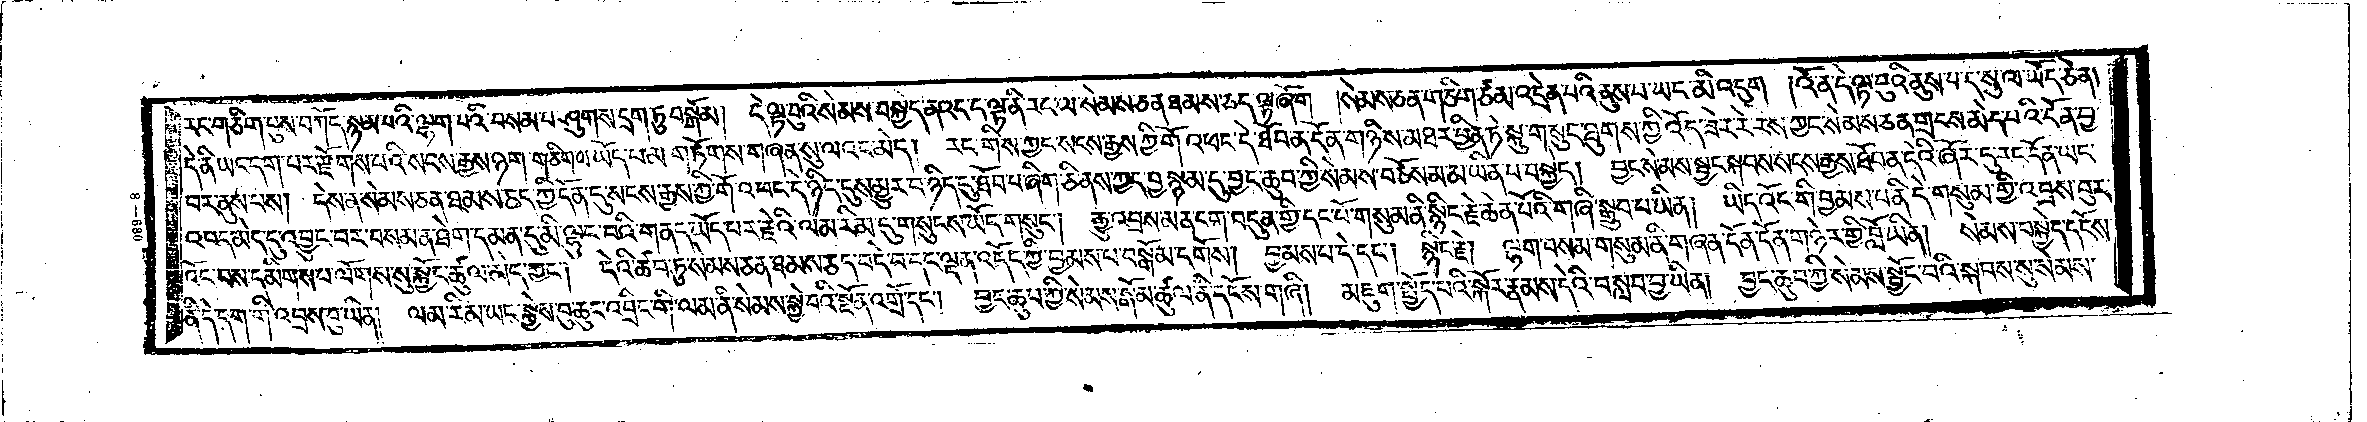རང་གཅིག་པུས་བཀོད་སྙམ་པའི་ལྷག་པའི་བསམ་པ་ཤུགས་དྲག་ཏུ་བསྒོམ། དེ་ལྟ་བུའི་སེམས་བསྐྱེད་ནའང་ད་ལྟ་ནི་རང་ལ་སེམས་ཅན་ཐམས་ཅད་ལྟ་ཞོག །སེམས་ཅན་གཅིག་ཙམ་འདྲེན་པའི་ནུས་པ་ཡང་མི་འདུག །འོ་ན་དེ་ལྟ་བུའི་ནུས་པ་དེ་སུ་ལ་ཡོད་ཅེ་ན།
དེ་ནི་ཡང་དག་པར་རྫོགས་པའི་སངས་རྒྱས་ཉག་གཅིག་ལ་ཡོད་པ་མ་གཏོགས་གཞན་སུ་ལའང་མེད། རང་གིས་ཀྱང་སངས་རྒྱས་ཀྱི་གོ་འཕང་དེ་ཐོབ་ན་དོན་གཉིས་མཐར་ཕྱིན་ཏེ་སྐུ་གསུང་ཐུགས་ཀྱི་འོད་ཟེར་རེ་རེས་ཀྱང་སེམས་ཅན་གྲངས་མེད་པའི་དོན་བྱ་
བར་ནུས་པས། དེས་ན་སེམས་ཅན་ཐམས་ཅད་ཀྱི་དོན་དུ་སངས་རྒྱས་ཀྱི་གོ་འཕང་དེ་ཉིད་དུས་མྱུར་བ་ཉིད་དུ་ཐོབ་པ་ཞིག་ཅི་ནས་ཀྱང་བྱ་སྙམ་དུ་བྱང་ཆུབ་ཀྱི་སེམས་བཅོས་མ་མ་ཡིན་པ་བསྐྱེད། བྱང་སེམས་སྦྱང་སྐབས་སངས་རྒྱས་ཐོབ་ན་དེའི་ཞོར་དུ་རང་དོན་ཡང་
འབད་མེད་དུ་འབྱུང་བར་བསམ་ན་ཐེག་དམན་དུ་མི་ལྷུང་བའི་གནད་ཡོད་པར་རྗེའི་ལམ་རིམ་དུ་གསུངས་ཡོད་གསུང་། རྒྱུ་འབྲས་མན་ངག་བདུན་གྱི་དང་པོ་གསུམ་ནི་སྙིང་རྗེ་ཆེན་པོའི་གཞི་སྒྲུབ་པ་ཡིན། ཡིད་འོང་གི་བྱམས་པ་ནི་དེ་གསུམ་གྱི་འབྲས་བུར་
འོང་བས་དམིགས་པ་ལོགས་སུ་སྐྱོང་ཚུལ་མེད་ཀྱང་། དེའི་ཚབ་ཏུ་སེམས་ཅན་ཐམས་ཅད་བདེ་བ་དང་ལྡན་འདོད་ཀྱི་བྱམས་པ་བསྒོམ་དགོས། བྱམས་པ་དེ་དང་། སྙིང་རྗེ། ལྷག་བསམ་གསུམ་ནི་གཞན་དོན་དོན་གཉེར་གྱི་བློ་ཡིན། སེམས་བསྐྱེད་དངོས་
ནི་དེ་དག་གི་འབྲས་བུ་ཡིན། ལམ་རིམ་ཡང་སྐྱེས་བུ་ཆུང་འབྲིང་གི་ལམ་ནི་སེམས་སྐྱེ་བའི་སྔོན་འགྲོ་དང་། བྱང་ཆུབ་ཀྱི་སེམས་སྒོམ་ཚུལ་ནི་དངོས་གཞི། མཇུག་སྤྱོད་པའི་སྐོར་རྣམས་དེའི་བསླབ་བྱ་ཡིན། བྱང་ཆུབ་ཀྱི་སེམས་སྦྱོང་བའི་སྐབས་སུ་སེམས་